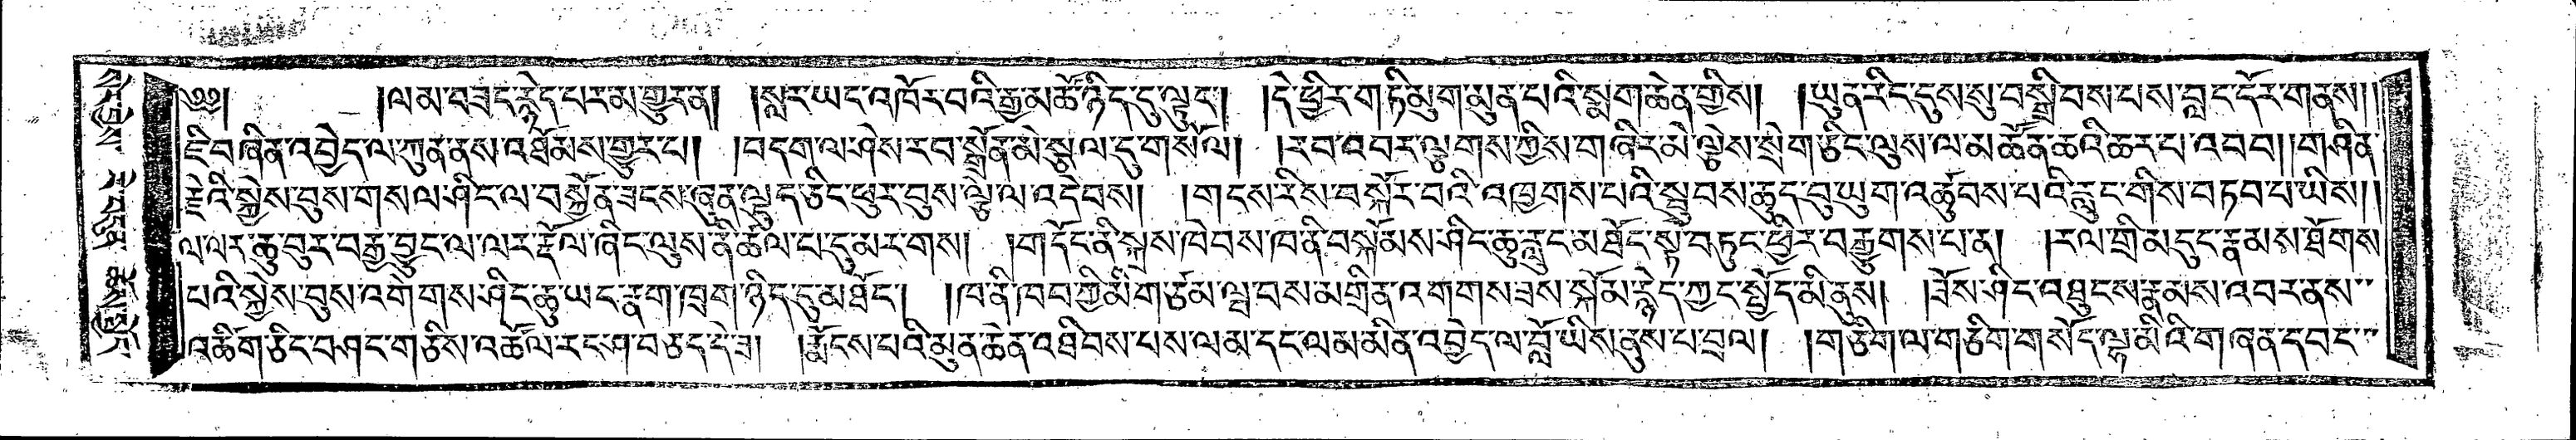༄༅། །ལམ་བཟང་རྙེད་པར་མ་གྱུར་ན། །སླར་ཡང་འཁོར་བའི་རྒྱ་མཚོ་ཉིད་དུ་ལྟུང་། །དེ་ཕྱིར་གཏི་མུག་མུན་པའི་སྨག་ཆེན་གྱིས། །ཡུན་རིང་དུས་སུ་བསྒྲིབས་པས་བླང་དོར་གནས། །
ཇི་བཞིན་འབྱེད་ལ་ཀུན་ནས་འཐོམས་གྱུར་པ། །བདག་ལ་ཤེས་རབ་སྒྲོན་མེ་སྩལ་དུ་གསོལ། །རབ་འབར་ལྕགས་ཀྱིས་གཞིར་མེ་ལྕེས་སྲེག་ཅིང་ལུས་ལ་མཚོན་ཆའི་ཆར་པ་འབབ། །གཤིན་
རྗེའི་སྐྱེས་བུས་གསལ་ཤིང་ལ་བསྐྱོན་ཟངས་ཞུན་ལྡུད་ཅིང་ཕུར་བུས་ལྕེ་ལ་འདེབས། །གངས་རིས་བསྐོར་བའི་འཁྱགས་པའི་སྤུབས་ཆུད་བུ་ཡུག་འཚུབས་པའི་རླུང་གིས་བཏབ་པ་ཡིས། །
ལ་ལར་ཆུ་བུར་བརྒྱ་བྱུང་ལ་ལར་རྡོལ་ཞིང་ལུས་ནི་ཚལ་པ་དུ་མར་གས། །གདོང་ནི་སྐྲས་ཁེབས་ཁ་ནི་བསྐོམས་ཤིང་ཆུ་རླུང་མཐོང་སྟེ་བཏུང་ཕྱིར་བརྒྱུགས་པ་ན། །རལ་གྲི་མདུང་རྣམས་ཐོགས་
པའི་སྐྱེས་བུས་འགེགས་ཤིང་ཆུ་ཡང་རྣག་ཁྲག་ཉིད་དུ་མཐོང་། །ཁ་ནི་ཁབ་ཀྱི་མིག་ཙམ་ཝ་བས་མགྲིན་འགགས་ཟས་སྐོམ་རྙེད་ཀྱང་སྤྱོད་མི་ནུས། །ཟོས་ཤིང་འཐུངས་རྣམས་འབར་ནས་
འཚིག་ཅིང་བཤང་གཅིས་འཚོལ་རང་ཤ་བཅད་དེ་ཟ། །རྨོངས་པའི་མུན་ཆེན་འཐིབས་པས་ལམ་དང་ལམ་མིན་འབྱེད་ལ་བློ་ཡིས་ནུས་པ་བྲལ། །གཅིག་ལ་གཅིག་གསོད་ལྷ་མིའི་གཞན་དབང་